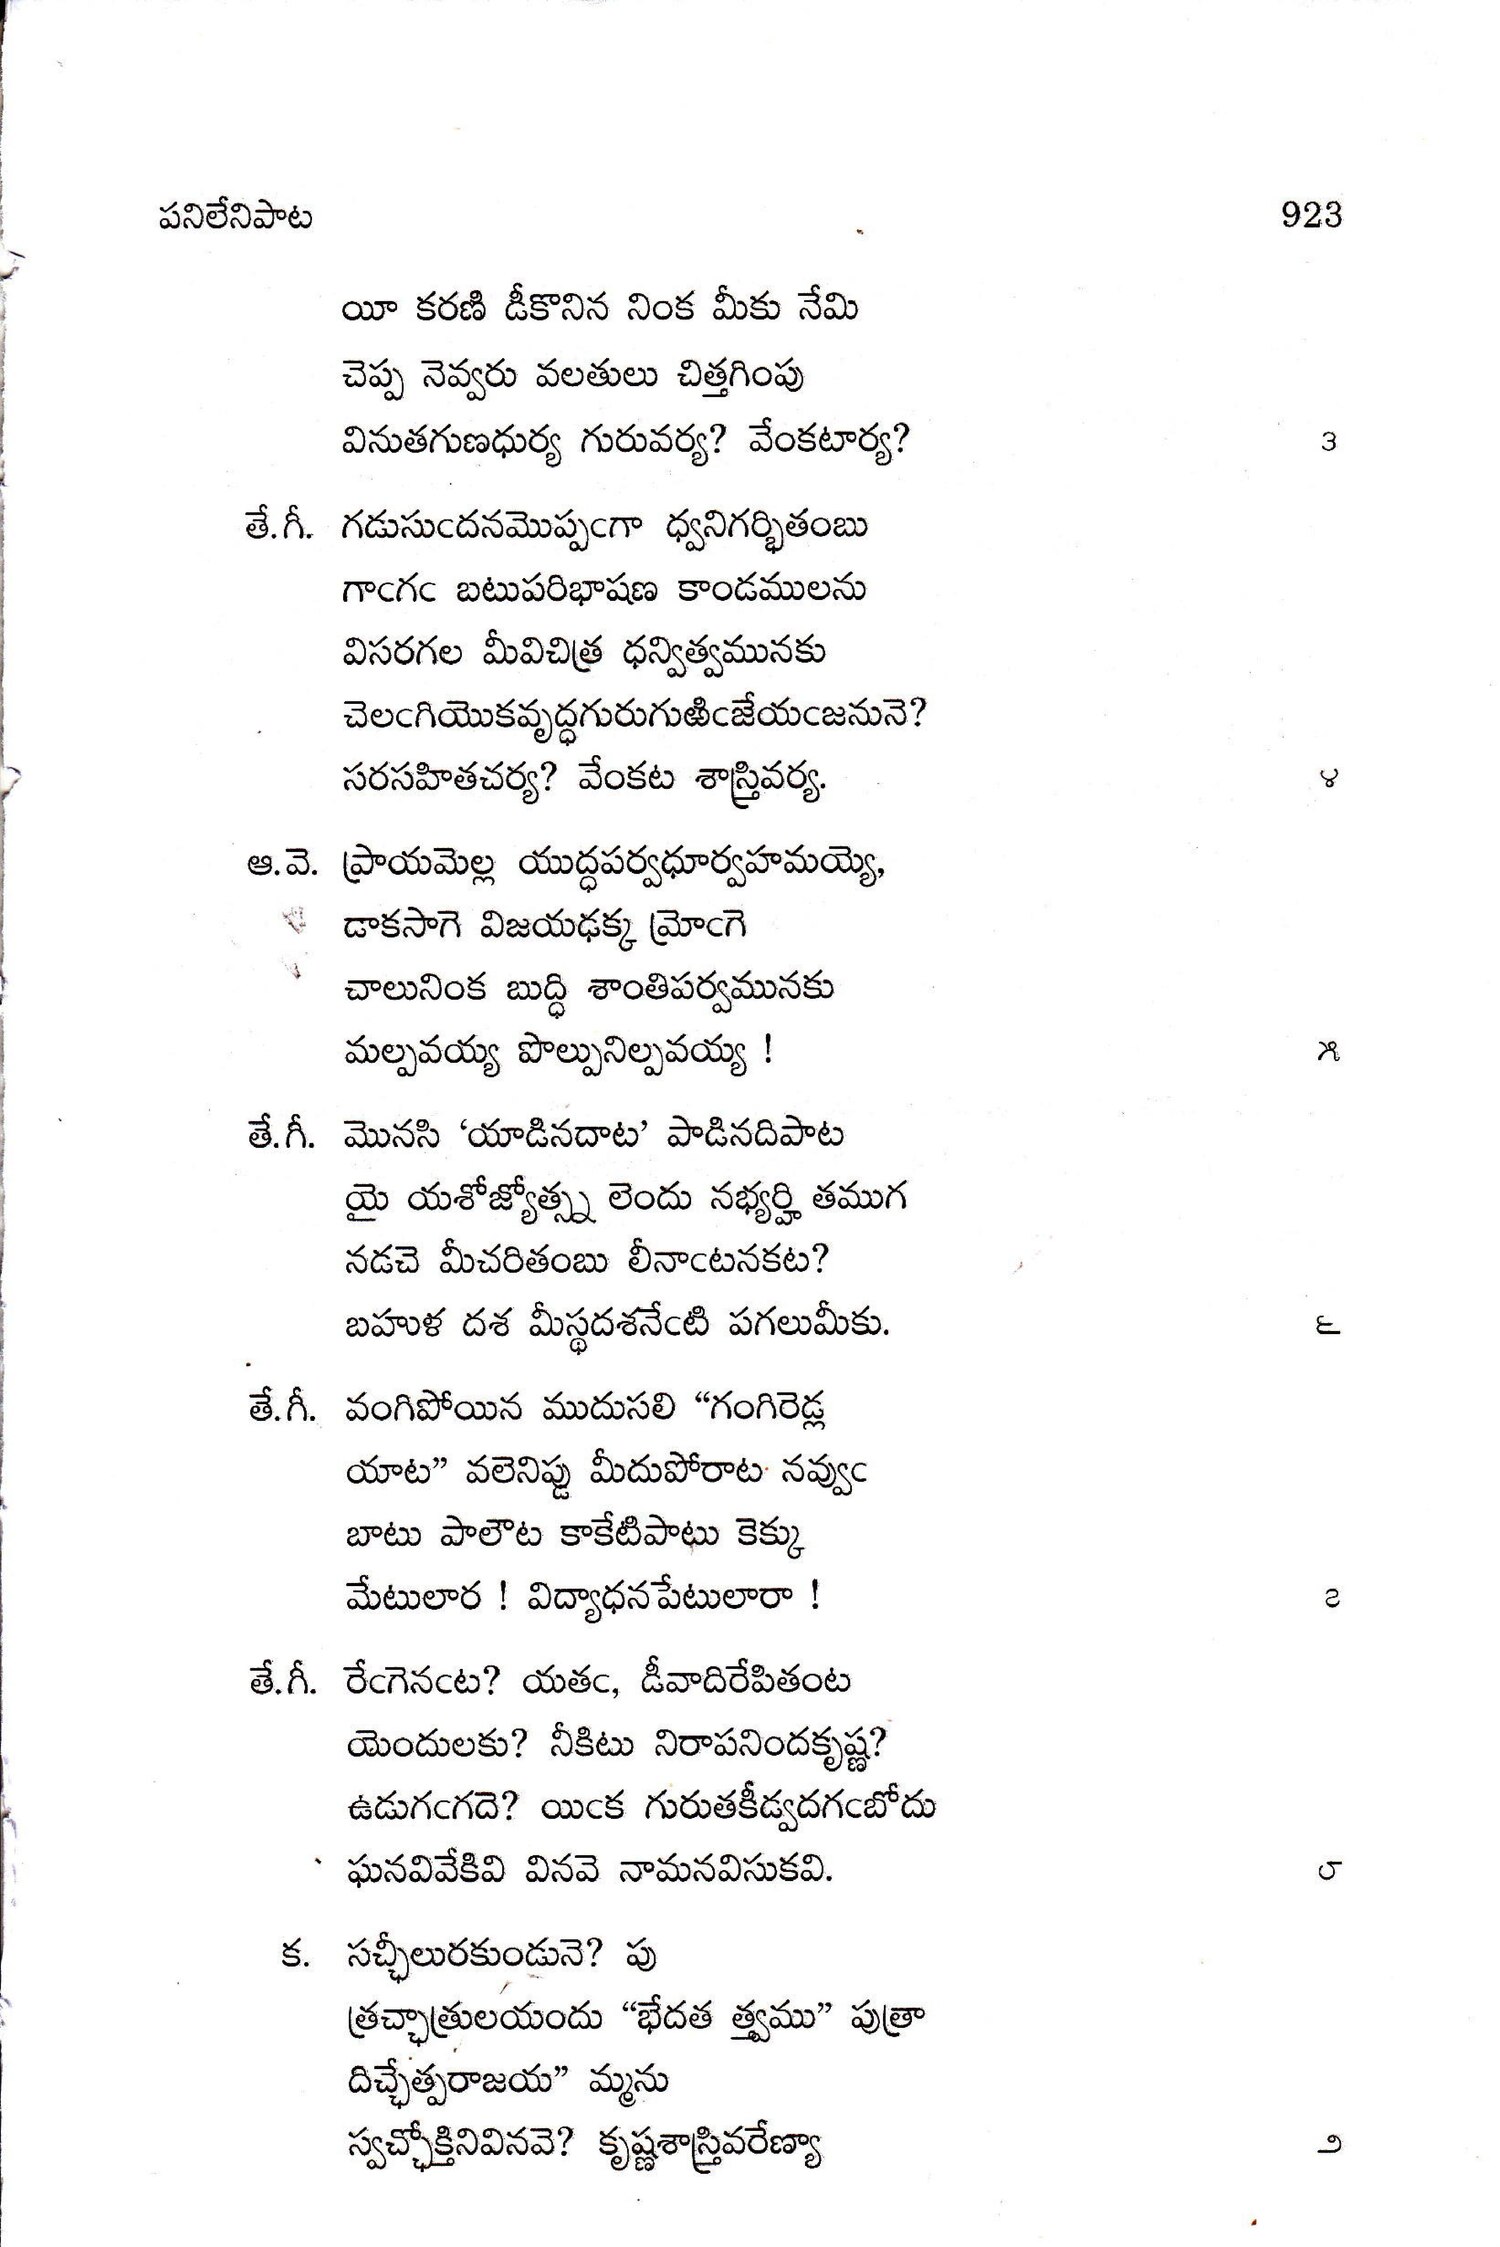యీ కరణి డీకొనిన నింక మీకు నేమి
 చెప్ప నెవ్వరు వలతులు చిత్తగింపు 
 వినుతగుణధుర్య గురువర్య? వేంకటార్య? - 3

తే.గీ. గడుసుఁదనమొప్పఁగా ధ్వనిగర్భితంబు 
 గాఁగఁ బటుపరిభాషణ కాండములను 
 విసరగల మీవిచిత్ర ధన్విత్వమునకు 
 చెలఁగియొకవృద్ధగురుగుఱిఁజేయఁజనునె? 
 సరసహితచర్య? వేంకట శాస్త్రివర్య. - 4

అ.వె. ప్రాయమెల్ల యుద్ధపర్వధూర్వహమయ్యె 
 డాకసాగె విజయఢక్క మ్రోఁగె 
 చాలునింక బుద్ది శాంతిపర్వమునకు 
 మల్పవయ్య పొల్పునిల్పవయ్య ! - 5

తే.గీ. మొనసి 'యాడినదాట' పాడినదిపాట 
 యై యశోజ్యోత్స్న లెందు నభ్యర్హి తముగ 
 నడచె మీచరితంబు లీనాఁటనకట?
 బహుళ దశ మీస్థదశనేఁటి పగలుమీకు. - 6

తే.గీ. వంగిపోయిన ముదుసలి "గంగిరెడ్ల 
 యాట" వలెనిప్డు మీదుపోరాట నవ్వుఁ 
 బాటు పాలౌట కాకేటిపాటు కెక్కు 
 మేటులార ! విద్యాధనపేటులారా ! - 7

తే.గీ. రేఁగెనఁట? యతఁ, డీవాదిరేపితంట
 యెందులకు? నీకిటు నిరాపనిందకృష్ణ? 
 ఉడుగఁగదె? యిఁక గురుతకీడ్వదగఁబోదు
 ఘనవివేకివి వినవె నామనవిసుకవి. - 8

క. సచ్చీలురకుండునె? పు 
 త్రచ్ఛాత్రులయందు "భేదత త్త్వము" పుత్రా 
 దిచ్ఛేత్పరాజయ" మ్మను 
 స్వచ్చోక్తినివినవె? కృష్ణశాస్త్రివరేణ్యా - 2